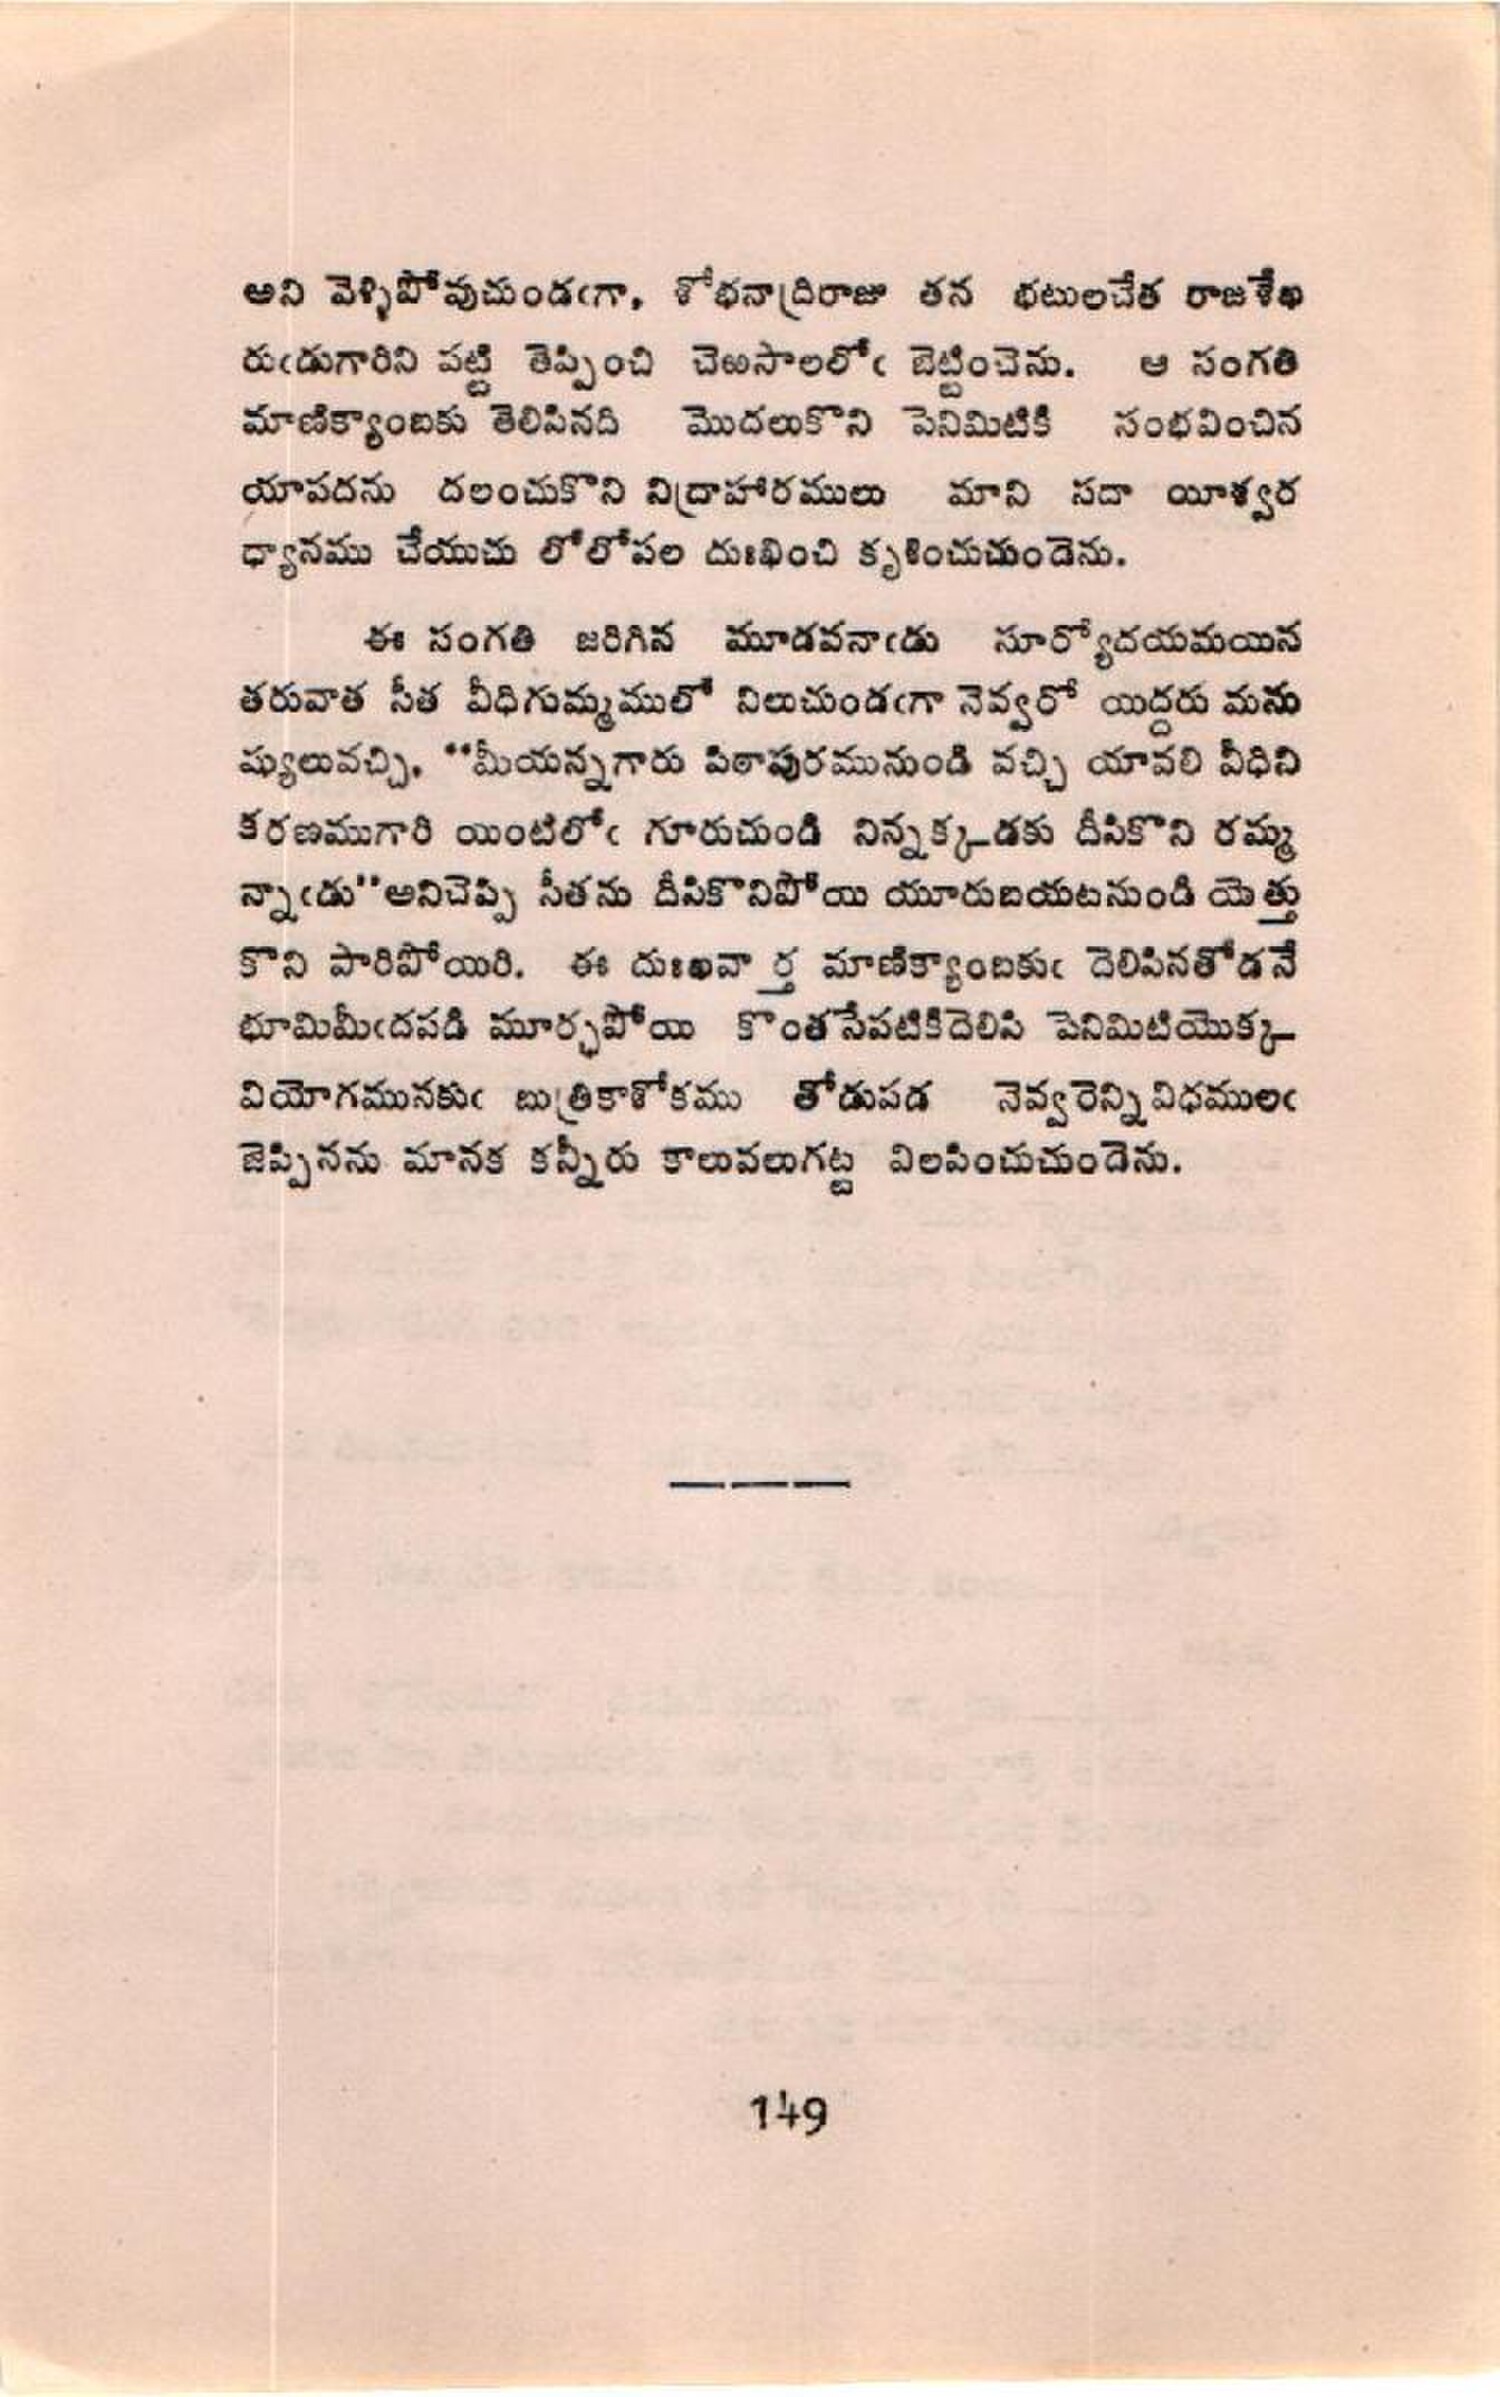అని వెళ్ళిపోవుచుండఁగా, శోభనాద్రిరాజు తన భటులచేత రాజశేఖ రుఁడుగారిని పట్టి తెప్పించి చెఱసాలలోఁ బెట్టించెను. ఆ సంగతి మాణిక్యాంబకు తెలిసినది మొదలుకొని పెనిమిటికి సంభవించిన యాపదను దలంచుకొని నిద్రాహారములు మాని సదా యీశ్వర ధ్యానము చేయుచు లోలోపల దుఃఖించి కృశించుచుండెను.

ఈ సంగతి జరిగిన మూడవనాఁడు సూర్యోదయమయిన తరువాత సీత వీధిగుమ్మములో నిలుచుండఁగా నెవ్వరో యిద్దరు మను ష్యులు వచ్చి, "మీయన్నగారు పిఠాపురమునుండి వచ్చి యావలి వీధిని కరణముగారి యింటిలోఁ గూరుచుండి నిన్నక్కడకు దీసికొని రమ్మ న్నాఁడు"అనిచెప్పి సీతను దీసికొనిపోయి యూరుబయటనుండి యెత్తు కొని పారిపోయిరి. ఈ దుఃఖవార్త మాణిక్యాంబకుఁ దెలిసినతోడనే భూమిమీఁదపడి మూర్చపోయి కొంతసేపటికిదెలిపి పెనిమిటియొక్కవియోగమునకుఁ బుత్రికాశోకము తోడుపడ నెవ్వరెన్నివిధములఁ జెప్పినను మానక కన్నీరు కాలువలుగట్ట విలపించుచుండెను.